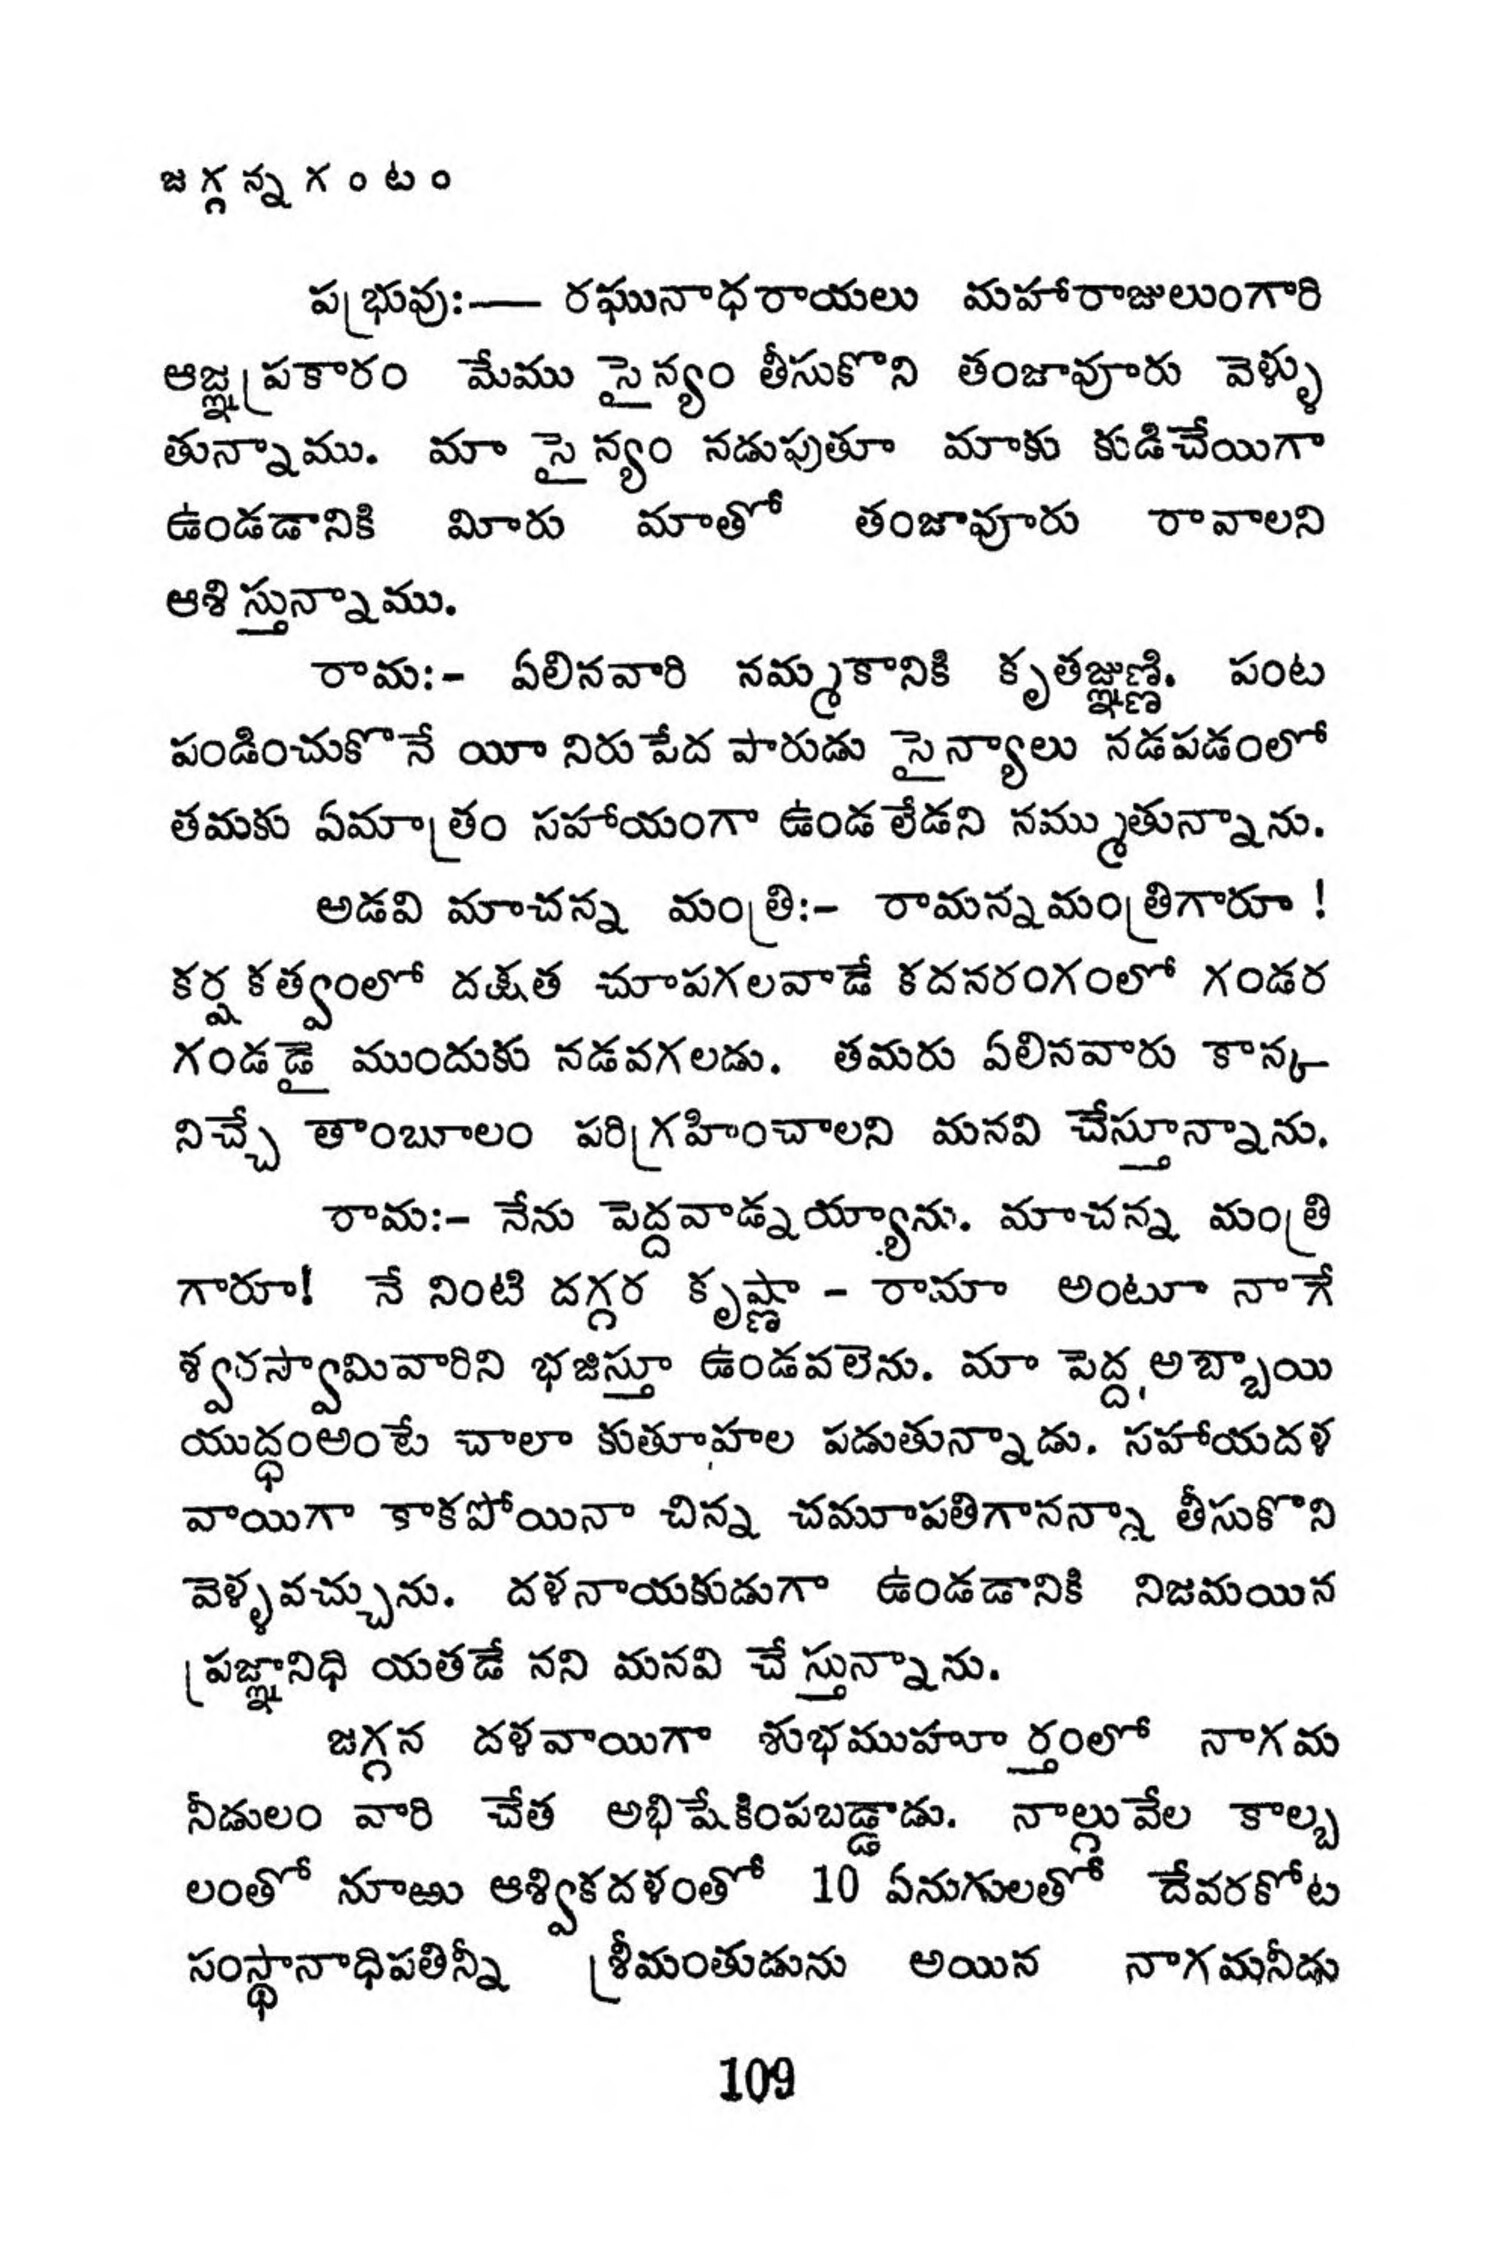ప్రభువు :- రఘునాధరాయలు మహారాజులుంగారి ఆజ్ఞప్రకారం మేము సైన్యం తీసుకొని తంజావూరు వెళ్ళుతున్నాము. మా సైన్యం నడుపుతూ మాకు కుడిచేయిగా ఉండడానికి మీరు మాతో తంజావూరు రావాలని ఆశిస్తున్నాము.

రామ :- ఏలినవారి నమ్మకానికి కృతజ్ఞుణ్ణి. పంట పండించుకొనే యీ నిరుపేద పారుడు సైన్యాలు నడపడంలో తమకు ఏమాత్రం సహాయంగా ఉండలేడని నమ్ముతున్నాను.

అడవి మాచన్న మంత్రి :౼ రామన్నమంత్రిగారూ ! కర్షకత్వంలో దక్షత చూపగలవాడే కదనరంగంలో గండర గండడై ముందుకు నడవగలడు. తమరు ఏలినవారు కాన్క నిచ్చే తాంబూలం పరిగ్రహించాలని మనవి చేస్తూన్నాను.

రామ :- నేను పెద్దవాడ్నయ్యాను. మాచన్న మంత్రి గారూ ! నే నింటి దగ్గర కృష్ణా - రామా అంటూ నాగేశ్వరస్వామివారిని భజిస్తూ ఉండవలెను. మా పెద్ద అబ్బాయి యుద్ధంఅంటే చాలా కుతూహల పడుతున్నాడు. సహాయదళవాయిగా కాకపోయినా చిన్న చమూపతిగానన్నా తీసుకొని వెళ్ళవచ్చును. దళనాయకుడుగా ఉండడానికి నిజమయిన ప్రజ్ఞానిధి యతడే నని మనవి చేస్తున్నాను.

జగ్గన దళవాయిగా శుభముహూర్తంలో నాగమనీడులం వారి చేత అభిషేకింపబడ్డాడు. నాల్గువేల కాల్బలంతో నూఱు ఆశ్వికదళంతో 10 ఏనుగులతో దేవరకోట సంస్థానాధిపతిన్నీ శ్రీమంతుడును అయిన నాగమనీడు